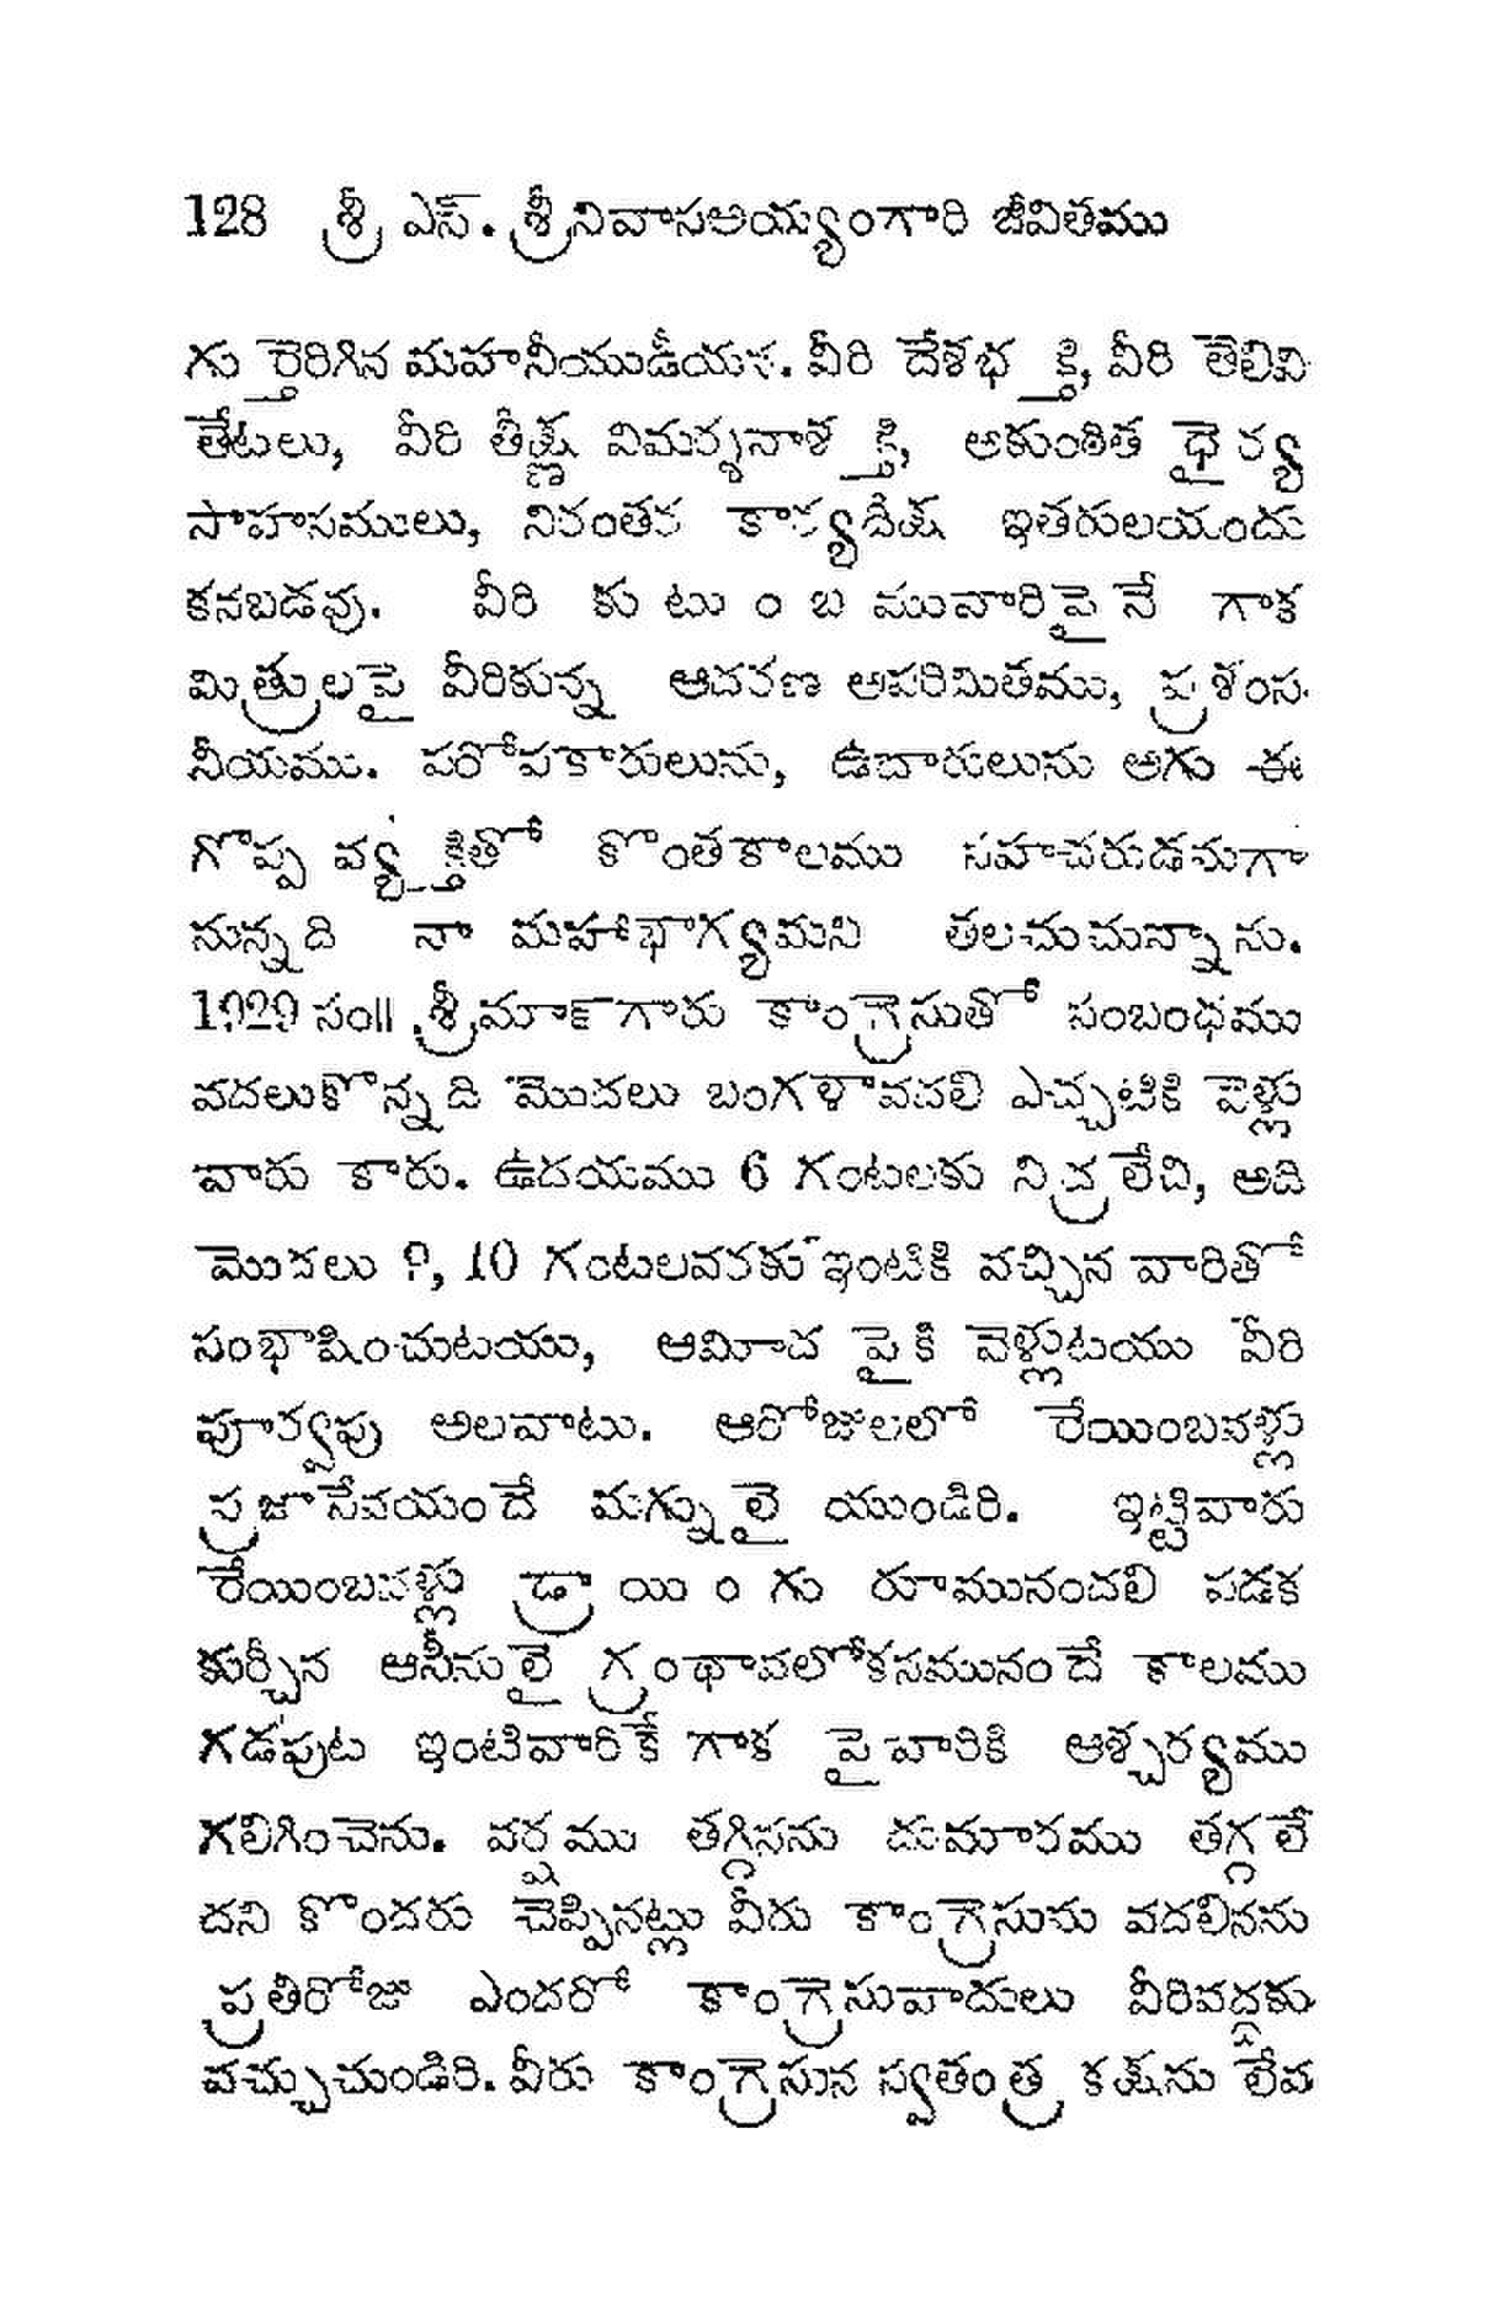గుర్తెరిగిన మహనీయుడీయన. వీరి దేశభకి, వీరి తెలివితేటలు, వీరి తీక్ష్ణ విమర్శనాశక్తి, అకుంఠిత ధైర్య సాహసములు, నిరంతర కార్యదీక్ష ఇతరులయందు కనబడవు. వీరి కుటుంబమువారిపైనే గాక మిత్రులపై వీరికున్న ఆదరణ అపరిమితము, ప్రశంసనీయము. పరోపకారులును, ఉదారులును అగు ఈ గొప్ప వ్యక్తితో కొంతకాలము సహచరుడనుగా నున్నది నా మహాభాగ్యమని తలచుచున్నాను. 1929 సం!! శ్రీమా౯గారు కాంగ్రెసుతో సంబంధము వదలుకొన్నది మొదలు బంగళావదలి ఎచ్చటికి వెళ్లువారు కారు. ఉదయము 6 గంటలకు నిద్రలేచి, అదిమొదలు 9, 10 గంటలవరకు ఇంటికి వచ్చిన వారితో సంభాషించుటయు, ఆమీద పైకి వెళ్లుటయు వీరి పూర్వపు అలవాటు. ఆరోజులలో రేయింబవళ్లు ప్రజాసేవయందే మగ్నులై యుండిరి. ఇట్టివారు రేయింబవళ్లు డ్రాయింగు రూమునందలి పడక కుర్చీన ఆసీనులై గంథావలోకనమునందే కాలము గడపుట ఇంటివారికే గాక పైవారికి ఆశ్చర్యము గలిగించెను. వర్షము తగ్గినను దుమారము తగ్గలేదని కొందరు చెప్పినట్లు వీరు కాంగ్రెసును వదలినను
ప్రతీరోజు ఎందరో కాంగ్రెసువాదులు వీరివద్దకు వచ్చుచుండిరి. వీరు కాంగ్రెసున స్వతంత్ర కక్షను లేవ